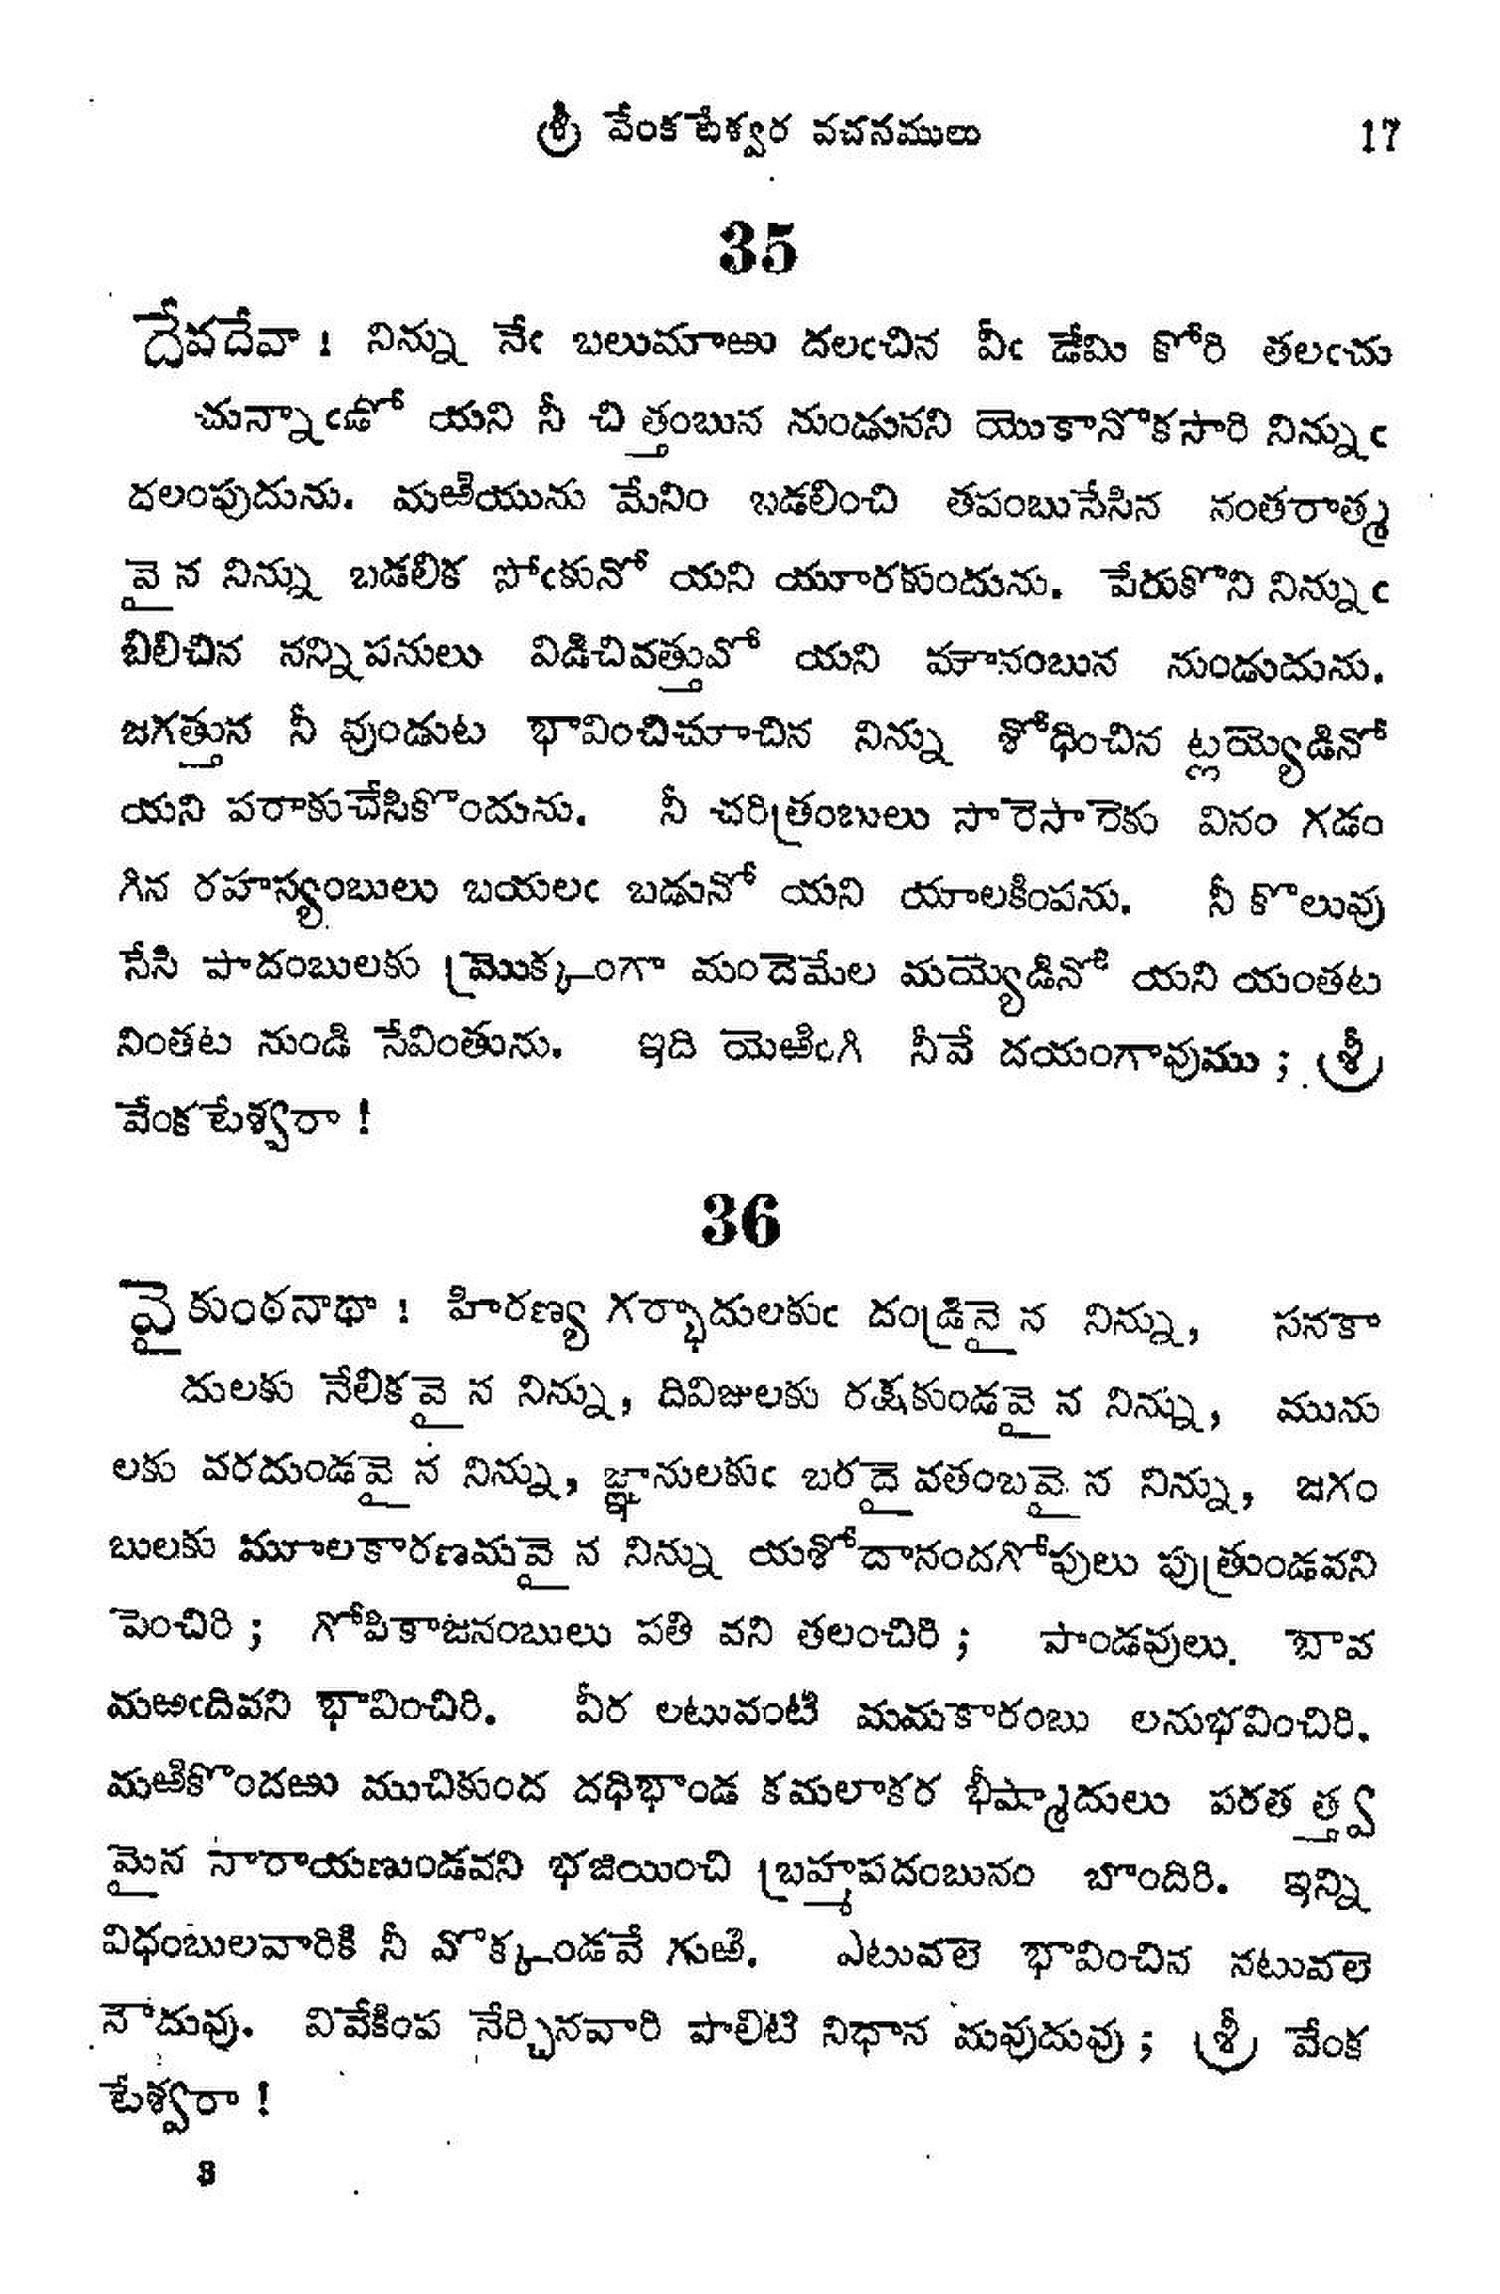35

! నిన్ను నేఁ బలుమాఱు దలఁచిన వీఁ డేమి కోరి తలఁచుచున్నాఁడో యని నీ చిత్తంబున నుండునని యొకానొకసారి నిన్నుఁ దలంపుదును. మఱియును మేనిం బడలించి తపంబు సేసిన నంతరాత్మవైన నిన్ను బడలిక సోఁకునో యని యూరకుందును. పేరుకొని నిన్నుఁ బిలిచిన నన్నిపనులు విడిచివత్తువో యని మౌనంబున నుండుదును. జగత్తున నీ వుండుట భావించిచూచిన నిన్ను శోధించిన ట్లయ్యెడినోయని పరాకుచేసికొందును. నీ చరిత్రంబులు సారెసారెకు వినం గడంగిన రహస్యంబులు బయలఁ బడునో యని యాలకింపను. నీ కొలువు సేసి పాదంబులకు మ్రొక్కంగా మందెమేల మయ్యెడినో యని యంతట నింతట నుండి సేవింతును. ఇది యెఱింగి నీవే దయంగావుము; శ్రీ వేంకటేశ్వరా!

36
 
! హిరణ్యగర్భాదులకుఁ దండ్రివైన నిన్ను, సనకాదులకు నేలికవైన నిన్ను, దివిజులకు రక్షకుండవైన నిన్ను, మునులకు వరదుండవైన నిన్ను, జ్ఞానులకుఁ బరదైవతంబవైన నిన్ను, జగంబులకు మూలకారణమవైన నిన్ను యశోదానందగోపులు పుత్రుండవని పెంచిరి; గోపికాజనంబులు పతి వని తలంచిరి; పాండవులు బావమఱఁదివని భావించిరి. వీర లటువంటి మమకారంబు లనుభవించిరి. మఱికొందఱు ముచికుంద దధిభాండ కమలాకర భీష్మాదులు పరతత్త్వమైన నారాయణుండవని భజియించి బ్రహ్మపదంబునం బొందిరి. ఇన్నివిధంబులవారికి నీ వొక్కండవే గుఱి. ఎటువలె భావించిన నటువలె నౌదువు. వివేకింప నేర్చినవారి పాలిటి నిధాన మవుదువు; శ్రీ వేంకటేశ్వరా!